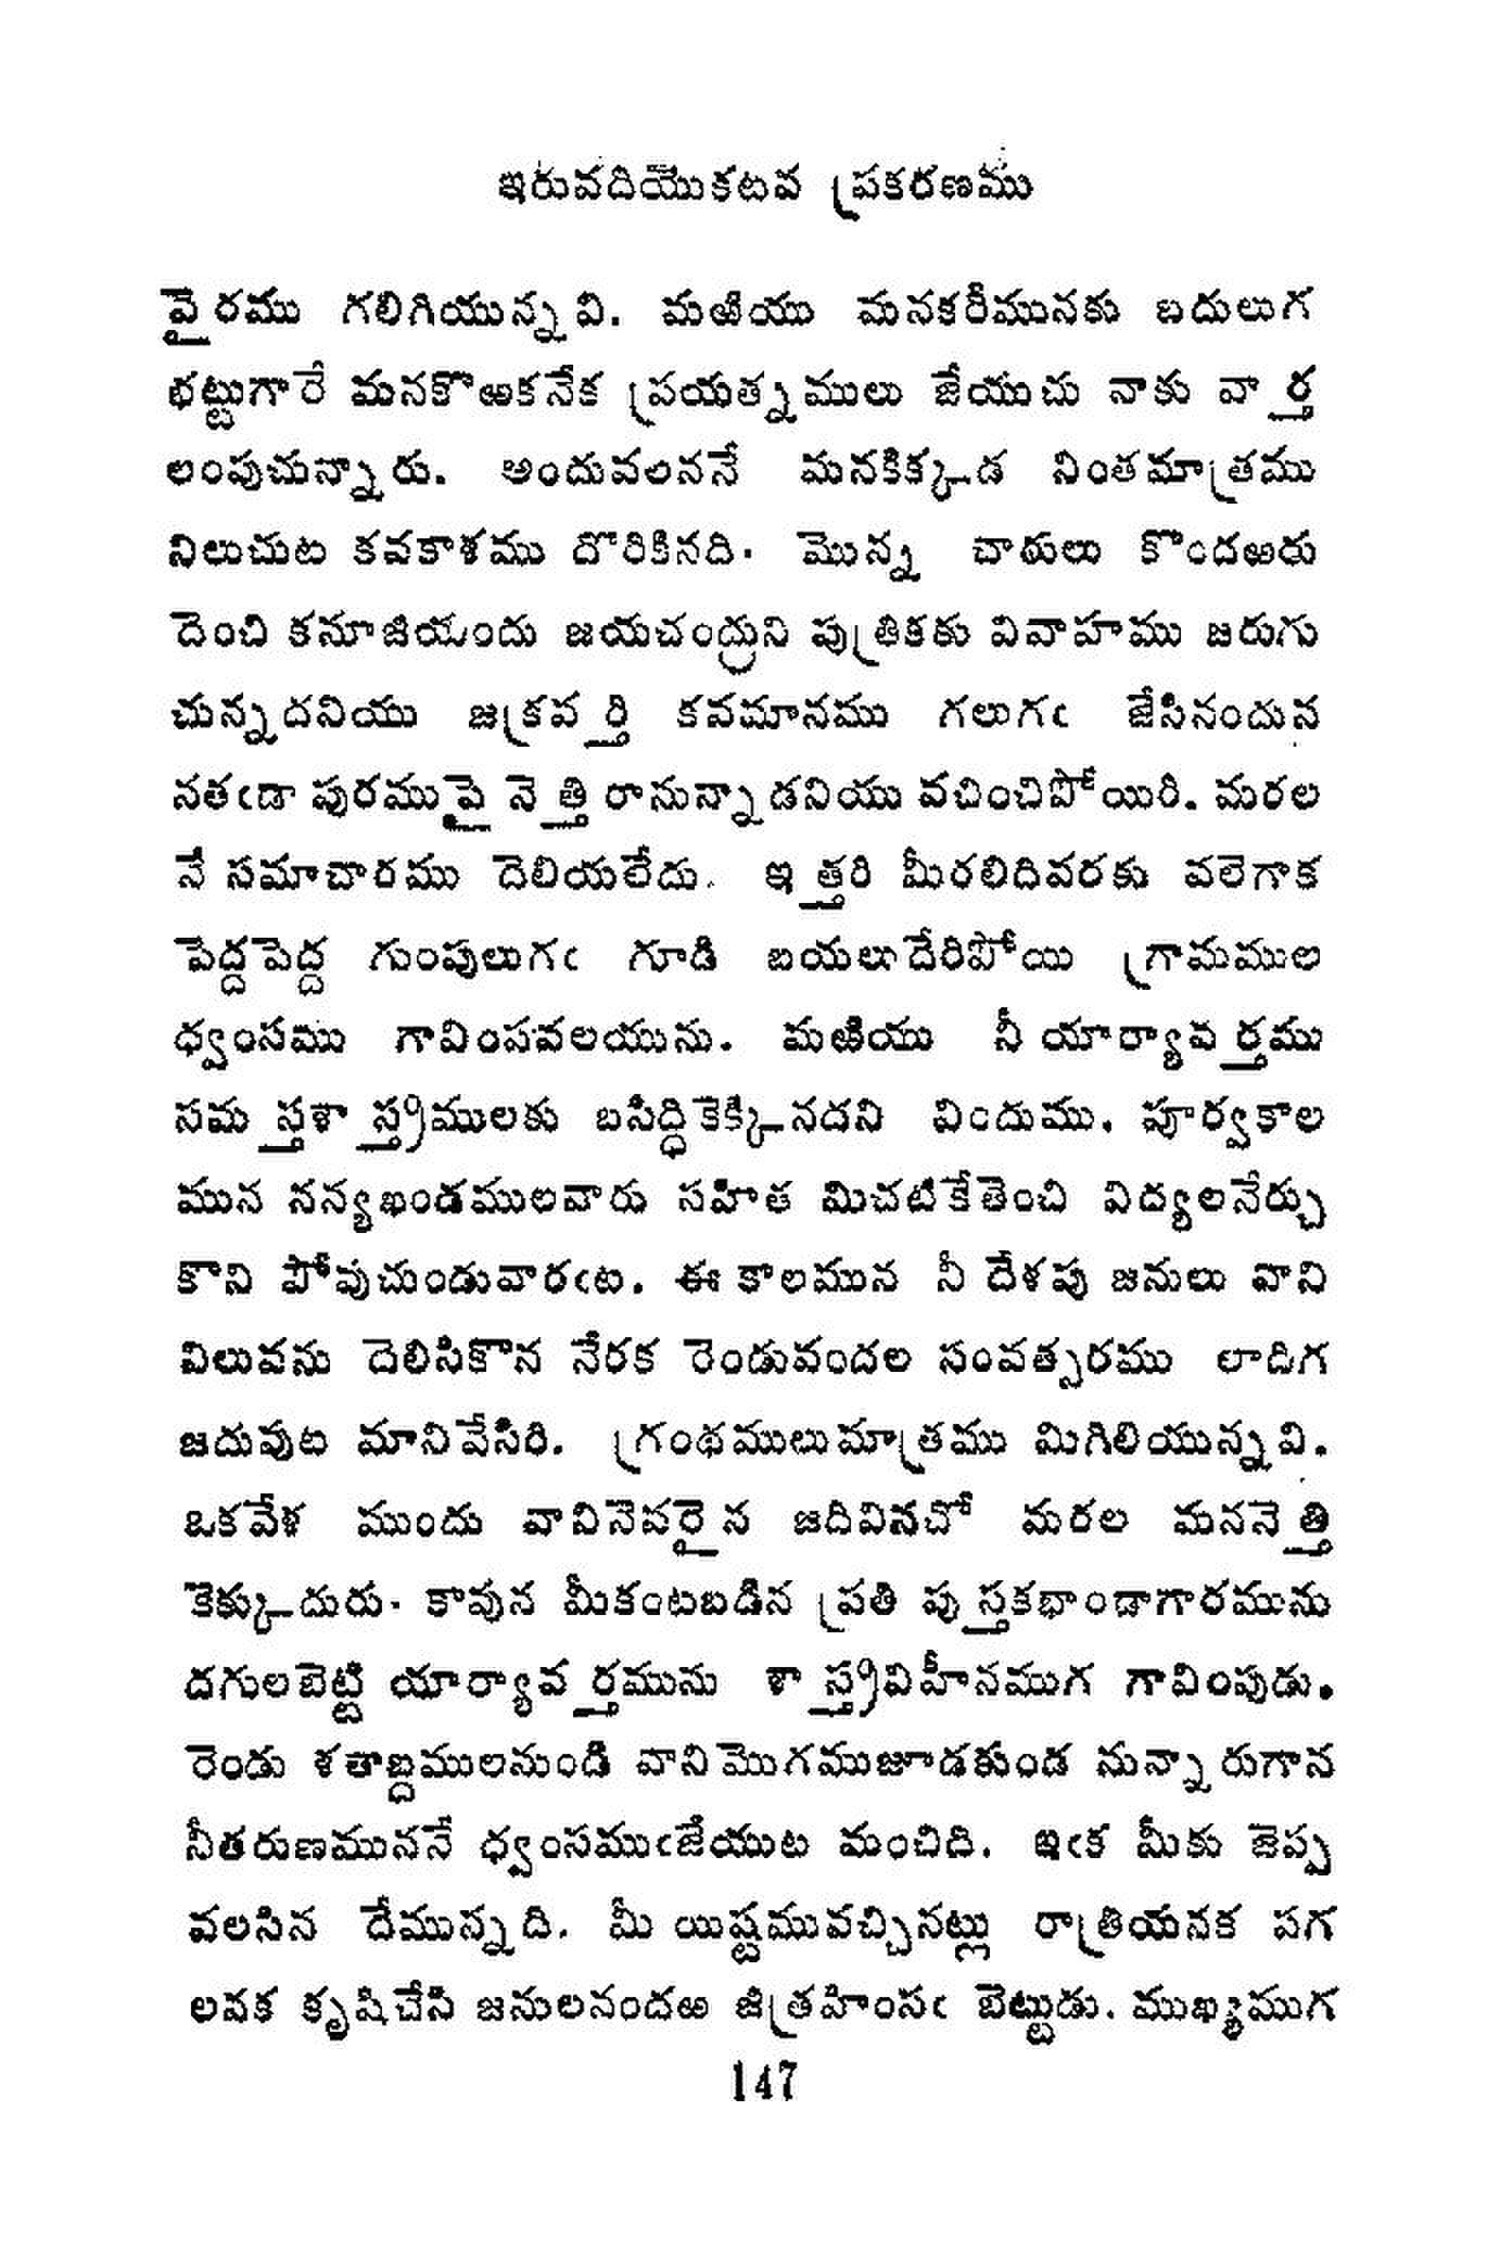వైరము గలిగియున్నవి. మఱియు మనకరీమునకు బదులుగ భట్టుగారే మనకొఱకనేక ప్రయత్నములు జేయుచు నాకు వార్త లంపుచున్నారు. అందువలననే మనకిక్కడ నింతమాత్రము నిలుచుట కవకాశము దొరికినది. మొన్న చారులు కొందఱరుదెంచి కనూజియందు జయచంద్రుని పుత్రికకు వివాహము జరుగుచున్నదనియు జక్రవర్తి కవమానము గలుగఁ జేసినందున నతఁడా పురముపై నెత్తి రానున్నాడనియు వచించిపోయిరి. మరల నే సమాచారము దెలియలేదు. ఇత్తరి మీరలిదివరకు వలెగాక పెద్దపెద్ద గుంపులుగఁ గూడి బయలుదేరిపోయి గ్రామముల ధ్వంసము గావింపవలయును. మఱియు నీ యార్యావర్తము సమస్తశాస్త్రములకు బసిద్ధికెక్కినదని విందుము. పూర్వకాలమున నన్య ఖండములవారు సహిత మిచటికేతెంచి విద్యలనేర్చుకొని పోవుచుండువారఁట. ఈ కాలమున నీ దేశపు జనులు వాని విలువను దెలిసికొన నేరక రెండువందల సంవత్సరము లాదిగ జదువుట మానివేసిరి. గ్రంథములుమాత్రము మిగిలియున్నవి. ఒకవేళ ముందు వానినెవరైన జదివినచో మరల మననె త్తి కెక్కుదురు. కావున మీకంటబడిన ప్రతి పుస్తకభాండాగారమును దగులబెట్టి యార్యావర్తమును శాస్త్రవిహీనముగ గావింపుడు. రెండు శతాబ్దములనుండి వాని మొగముజూడకుండ నున్నారుగాన నీతరుణముననే ధ్వంసముఁజేయుట మంచిది. ఇఁక మీకు జెప్పవలసిన దేమున్నది. మీ యిష్టమువచ్చినట్లు రాత్రియనక పగలనక కృషిచేసి జనులనందఱ జిత్రహింసఁ బెట్టుడు. ముఖ్యముగ